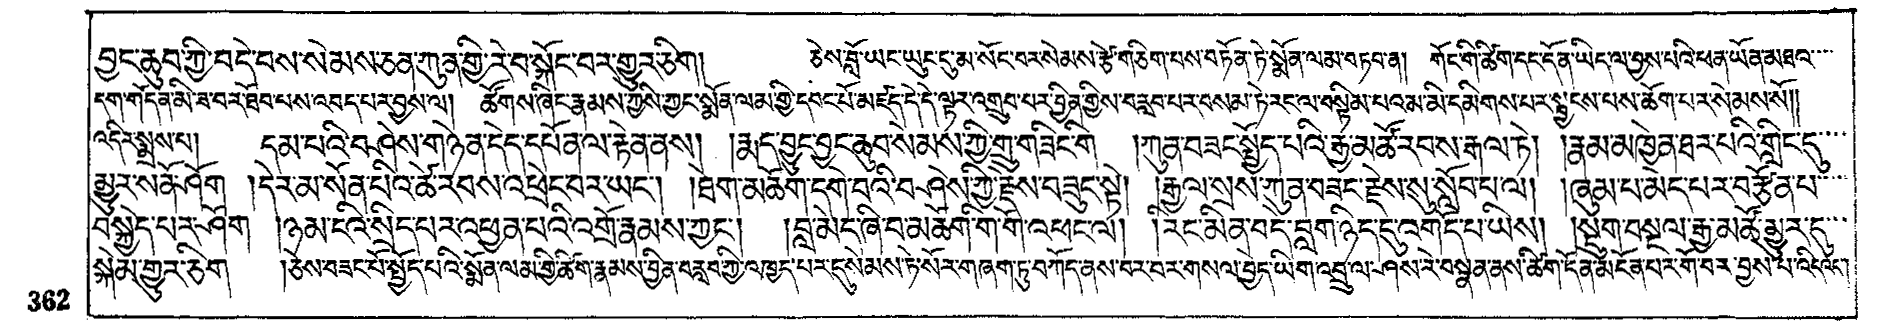བྱང་ཆུབ་ཀྱི་བདེ་བས་སེམས་ཅན་ཀུན་གྱི་རེ་བ་སྐོང་བར་གྱུར་ཅིག། ཅེས་བློ་ཡང་ཡུང་དུ་མ་སོང་བར་སེམས་རྩེ་གཅིག་པས་བཏོན་ཏེ་སྨོན་ལམ་བཏབ་ན།  གོང་གི་ཚིག་དང་དོན་ཡིད་ལ་བྱས་པའི་ཕན་ཡོན་མཐའ་
དག་གདོན་མི་ཟ་བར་ཐོབ་པས་འབད་པར་བྱས་ལ། ཚོགས་ཞིང་རྣམས་ཀྱིས་ཀྱང་སྨོན་ལམ་གྱི་དབང་པོ་མཛད་དེ་དེ་ལྟར་འགྲུབ་པར་བྱིན་གྱིས་བརླབ་པར་བསམ་ཏེ་རང་ལ་བསྟིམ་པའམ་མི་དམིགས་པར་སྦྱངས་པས་ཆོག་པར་སེམས་སོ།།
འདིར་སྨྲས་པ། དམ་པའི་བཤེས་གཉེན་དེད་དཔོན་ལ་རྟེན་ནས། །རྨད་བྱུང་བྱང་ཆུབ་སེམས་ཀྱི་གྲུ་གཟིང་གི །ཀུན་བཟང་སྤྱོད་པའི་རྒྱ་མཚོ་རབས་རྒལ་ཏེ། །རྣམ་མཁྱེན་ཐར་པའི་གླིང་དུ་
མྱུར་སོན་ཤོག །དེར་མ་སོན་པའི་ཚེ་རབས་འཕྲེང་བར་ཡང་། །ཐེག་མཆོག་དགེ་བའི་བཤེས་ཀྱི་རྗེས་བཟུང་སྟེ། །རྒྱལ་སྲས་ཀུན་བཟང་རྗེས་སུ་སློབ་པ་ལ། །ཞུམ་པ་མེད་པར་བརྩོན་པ་
བསྐྱེད་པར་ཤོག །ཉམ་ངའི་སྲིད་པར་འཕྱན་པའི་འགྲོ་རྣམས་ཀྱང་། །བླ་མེད་ཞི་བ་མཆོག་གི་གོ་འཕང་ལ། །རིང་མིན་བདེ་བླག་ཉིད་དུ་འགོད་པ་ཡིས། །སྡུག་བསྔལ་རྒྱ་མཚོ་མྱུར་དུ་
སྐེམ་གྱུར་ཅིག །ཅེས་བཟང་པོ་སྤྱོད་པའི་སྨོན་ལམ་གྱི་ཚིག་རྣམས་བྱིན་བརླབ་ཀྱི་འཁྱད་པར་དུ་སེམས་ཏེ་སེར་གཞག་ཏུ་བཀོད་ནས་བར་བར་གསལ་བྱེད་ཡིག་འབྲུ་ལ་ཤས་རེ་བསྣན་ནས་ཚིག་དོན་མངོན་པར་གོ་བར་བྱས་པ་འདིའང་།